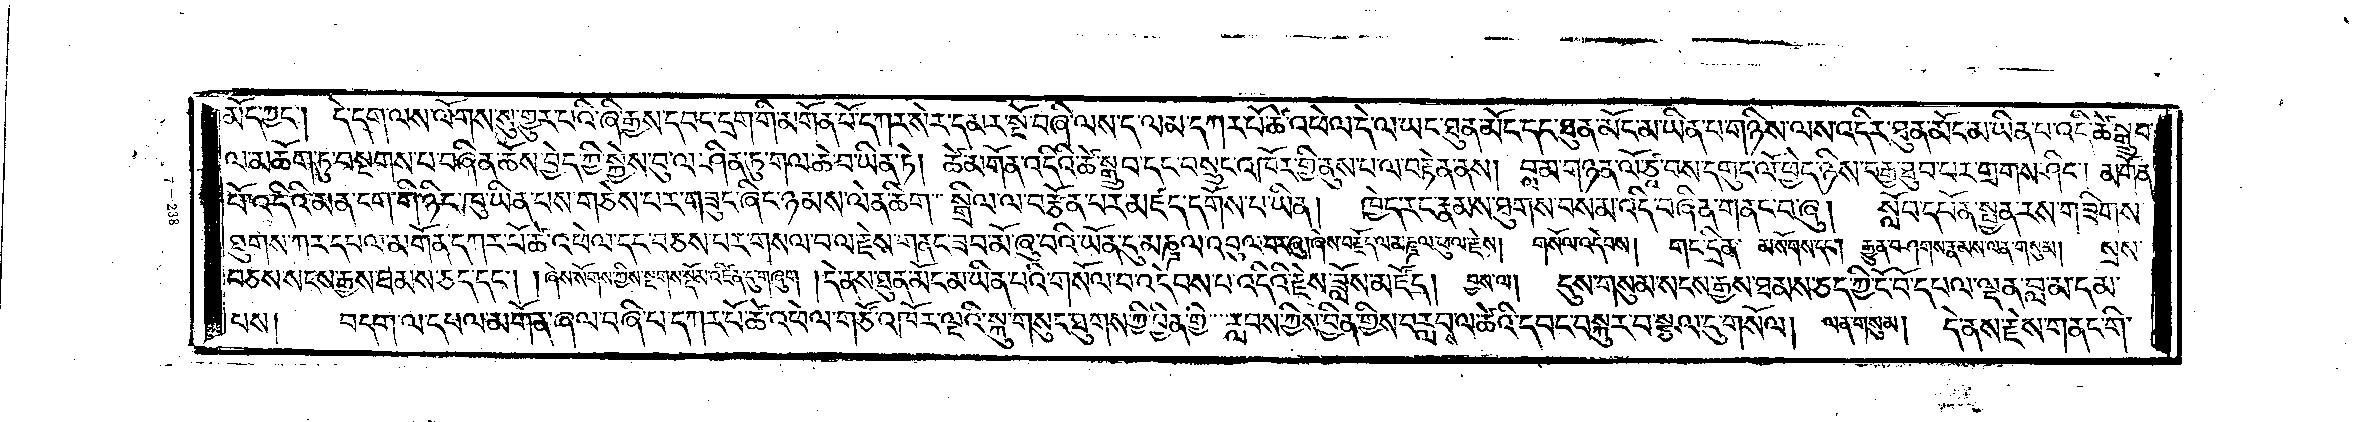མོད་ཀྱང་། དེ་དག་ལས་ལོགས་སུ་གྱུར་པའི་ཞི་རྒྱས་དབང་དྲག་གི་མགོན་པོ་དཀར་སེར་དམར་སྔོ་བཞི་ལས་ད་ལམ་དཀར་པོ་ཚེ་འཕེལ་དེ་ལ་ཡང་ཐུན་མོང་དན་ཐུན་མོང་མ་ཡིན་པ་གཉིས་ལས་འདིར་ཐུན་མོང་མ་ཡིན་པ་འདི་ཚེ་སྒྲུབ་
ལ་མཆོག་ཏུ་བསྔགས་པ་བཞིན་ཆོས་བྱེད་ཀྱི་སྐྱེས་བུ་ལ་ཤིན་ཏུ་གལ་ཆེ་བ་ཡིན་ཏེ། ཚེ་མགོན་འདིའི་ཚེ་སྒྲུབ་དང་བསྲུང་འཁོར་གྱི་ནུས་པ་ལ་བརྟེན་ནས། བླ་མ་གཉན་ལོ་ཙཱ་བས་དགུང་ལོ་ཕྱེད་ཉིས་བརྒྱད་ཐུབ་པར་གྲགས་ཤིང་། མགོན་
པོ་འདིའི་མན་ངག་གི་ཉིང་ཁུ་ཡིན་པས་གཅེས་པར་གཟུང་ཞིང་ཉམས་ལེན་ཆིག་སྒྲིལ་ལ་བརྩོན་པར་མཛད་དགོས་པ་ཡིན། ཁྱེད་རང་རྣམས་ཐུགས་བསམ་འདི་བཞིན་གནང་བ་ཞུ། སློབ་དཔོན་སྤྱན་རས་གཟིགས་
ཐུགས་ཀར་དཔལ་མགོན་དཀར་པོ་ཚེ་འཕེལ་དང་བཅས་པར་གསལ་བ་ལ་རྗེས་གནང་ཟབ་མོ་ཞུ་བའི་ཡོན་དུ་མཎྜལ་འབུལ་བར་ཞུ། ཞེས་བརྗོད་ལ་མཎྜལ་ཕུལ་རྗེས། གསོལ་འདེབས།  གང་དྲིན་མ་སོགས་དང་། རྒྱུན་བཤགས་རྣམས་ལན་གསུམ།  སྲས་
བཅས་སངས་རྒྱས་ཐམས་ཅད་དང་། །ཞེས་སོགས་ཀྱིས་སྔགས་སྡོམ་འཛིན་དུ་གཞུག་།དེ་ནས་ཐུན་མོང་མ་ཡིན་པའི་གསོལ་བའི་འདེབས་པ་འདིའི་རྗེས་ཟློས་མཛོད། བྱས་ལ།  དུས་གསུམ་སངས་རྒྱས་ཐམས་ཅད་ཀྱི་ངོ་བོ་དཔལ་ལྡན་བླ་མ་དམ་
པས༑ བདག་ལ་དཔལ་མགོན་ཞལ་བཞི་བ་དཀར་པོ་ཚེ་འཕེལ་གཙོ་འཁོར་ལྔའི་སྐུ་གསུང་ཐུགས་ཀྱི་བྱིན་གྱི་རླབས་ཀྱིས་བྱིན་གྱིས་བརླབས་ལ་ཚེའི་དབང་བསྐུར་བ་སྩལ་དུ་གསོལ། ལན་གསུམ།  དེ་ནས་རྗེས་གནང་གི་